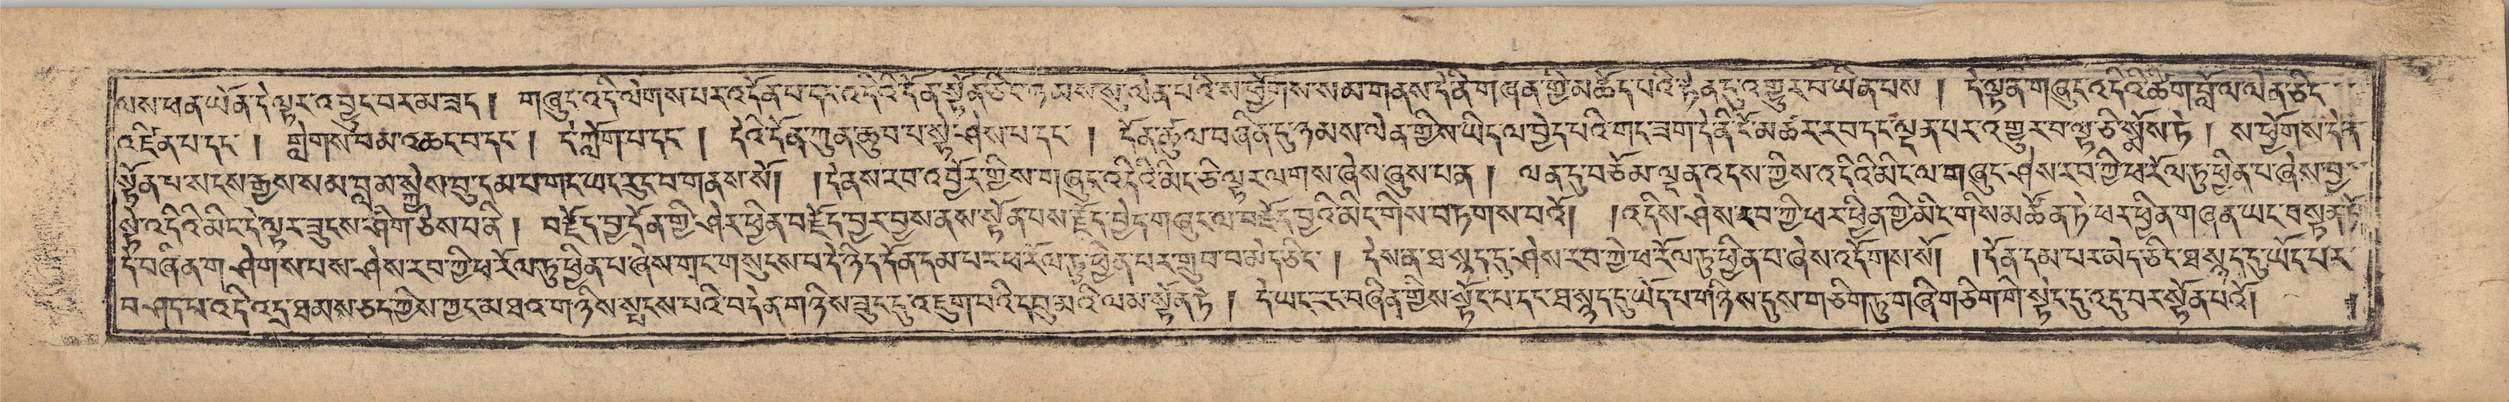ལས་ཕན་ཡོན་དེ་ལྟར་འབྱུང་བར་མ་ཟད། གཞུང་འདི་ལེགས་པར་འདོན་པ་དང་འདིའི་དོན་སྟོན་ཅིང་ཉམས་སུ་ལེན་པའི་ས་ཕྱོགས་སམ་གནས་དེ་ནི་གཞན་གྱི་མཆོད་པའི་རྟེན་དུ་འགྱུར་པ་ཡིན་པས། དེ་ལྟ་ན་གཞུང་འདིའི་ཚིག་བློ་ལ་ལེན་ཅིང་
འཛིན་པ་དང་། གླེགས་བམ་འཆང་བ་དང་། དེ་ཀློག་པ་དང་། དེའི་དོན་ཀུན་ཆུབས་སྟེ་ཤེས་པ་དང་། དོན་ཚུལ་བཞིན་དུ་ཉམས་ལེན་གྱིས་ཡིད་ལ་བྱེད་པའི་གང་ཟག་དེ་ནི་ངོ་མཚར་རབ་དང་ལྡན་པར་འགྱུར་བ་ལྟ་ཅི་སྨོས་ཏེ། ས་ཕྱོགས་དེ་ན་
སྟོན་པ་སངས་རྒྱས་སམ་བླ་མ་སྐྱེས་བུ་དམ་པ་གང་ཡང་རུང་བ་གནས་སོ། །དེ་ནས་རབ་འབྱོར་གྱིས་གཞུང་འདིའི་མིང་ཅི་ལྟར་ལགས་ཞེས་ཞུས་པ་ན། ལན་དུ་བཅོམ་ལྡན་འདས་ཀྱིས་འདིའི་མིང་ལ་གཞུང་ཤེས་རབ་གྱི་ཕ་རོལ་ཏུ་ཕྱིན་པ་ཞེས་བྱ་
སྟེ་འདིའི་མིང་དེ་ལྟར་ཟུངས་ཤིག་ཅེས་པ་ནི། བརྗོད་བྱ་དོན་གྱི་ཤེར་ཕྱིན་བརྗོད་བྱར་བྱས་ནས་སྟོན་པས་རྗོད་བྱེད་གཞུང་ལ་བརྗོད་བྱའི་མིང་གིས་བཏགས་པའོ། །འདིས་ཤེས་རབ་ཀྱི་ཕར་ཕྱིན་གྱི་མིང་གིས་མཚོན་ཏེ་ཕར་ཕྱིན་གཞན་ཡང་བསྟན་ཏོ། །
དེ་བཞིན་གཤེགས་པས་ཤེས་རབ་ཀྱི་ཕ་རོལ་ཏུ་ཕྱིན་པ་ཞེས་གང་གསུངས་པ་དེ་ཉིད་དོན་དམ་པར་ཕ་རོལ་ཏུ་ཕྱིན་པར་གྲུབ་པ་མེད་ཅིང་། དེས་ན་ཐ་སྙད་དུ་ཤེས་རབ་ཀྱི་ཕ་རོལ་ཏུ་ཕྱིན་པ་ཞེས་འདོགས་སོ། །དོན་དམ་པར་མེད་ཅིང་ཐ་སྙད་དུ་ཡོད་པར་
བཤད་པ་འདི་འདྲ་ཐམས་ཅད་ཀྱིས་ཀྱང་མཐའ་གཉིས་སྤངས་པའི་བདེན་གཉིས་ཟུང་དུ་འཇུག་པའི་དབུ་མའི་ལམ་སྟོན་ཏེ། དེ་ཡང་རང་བཞིན་གྱིས་སྟོང་པ་དང་ཐ་སྙད་དུ་ཡོད་པ་གཉིས་དུས་གཅིག་ཏུ་གཞི་གཅིག་གི་སྟེང་དུ་འདུ་བར་སྟོན་པའོ། །